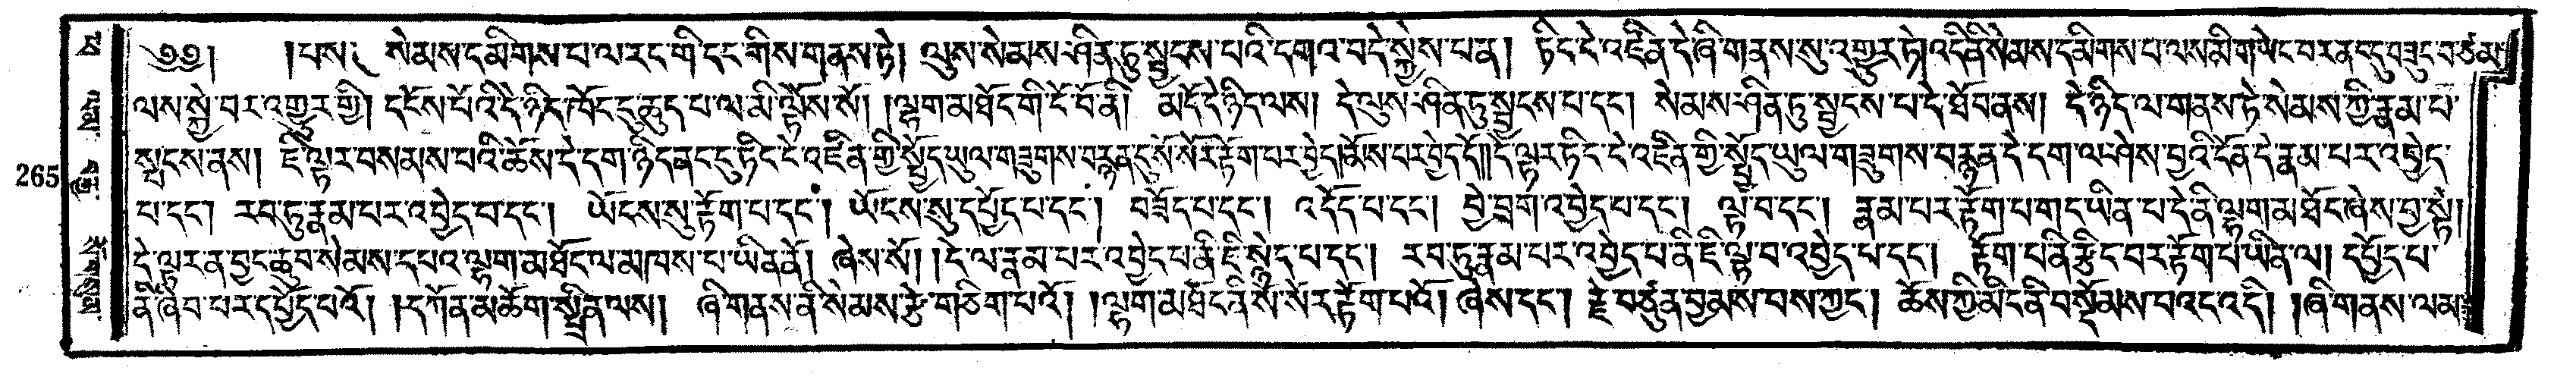༄༅། །པས༑ སེམས་དམིགས་པ་ལ་རང་གི་དང་གིས་གནས་ཏེ། ལུས་སེམས་ཤིན་ཏུ་སྦྱངས་པའི་དགའ་བདེ་སྐྱེས་པ་ན། ཏིང་ངེ་འཛིན་དེ་ཞི་གནས་སུ་འགྱུར་ཏེ། འདི་ནི་སེམས་དམིགས་པ་ལས་མི་གཡེང་བར་ནང་དུ་བཟུང་བ་ཙམ་
ལས་སྐྱེ་བར་འགྱུར་གྱི། དངོས་བོའི་དེ་ཉིད་ཁོང་དུ་ཆུད་པ་ལ་མི་ལྟོས་སོ། །ལྷག་མཐོང་གི་ངོ་བོ་ནི། མདོ་དེ་ཉིད་ལས། དེ་ལུས་ཤིན་ཏུ་སྦྱངས་པ་དང་། སེམས་ཤིན་ཏུ་སྦྱངས་པ་དེ་ཐོབ་ནས། དེ་ཉིད་ལ་གནས་ཏེ་སེམས་ཀྱི་རྣམ་པ་
སྤངས་ནས། ཇི་ལྟར་བསམས་པའི་ཆོས་དེ་དག་ཉིད་ནང་དུ་ཏིང་ངེ་འཛིན་གྱི་སྤྱོད་ཡུལ་གཟུགས་བརྙན་དུ་སོ་སོར་རྟོག་པར་བྱེད། མོས་པར་བྱེད་དོ། །དེ་ལྟར་ཏིང་ངེ་འཛིན་གྱི་སྤྱོད་ཡུལ་གཟུགས་བརྙན་དེ་དག་ལ་ཤེས་བྱའི་དོན་དེ་རྣམ་པར་འབྱེད་
པ་དང་། རབ་ཏུ་རྣམ་པར་འབྱེད་བ་དང་། ཡོངས་སུ་རྟོག་པ་དང་། ཡོངས་སུ་དཔྱོད་པ་དང་། བཟོད་པ་དང་། འདོད་པ་དང་། བྱེ་བྲག་འབྱེད་པ་དང་། ལྟ་བ་དང་། རྣམ་པར་རྟོག་པ་གང་ཡིན་པ་དེ་ནི་ལྷག་མཐོང་ཞེས་བྱ་སྟེ།
དེ་ལྟར་ན་བྱང་ཆུབ་སེམས་དཔའ་ལྷག་མཐོང་ལ་མཁས་པ་ཡིན་ནོ། ཞེས་སོ། །དེ་ལ་རྣམ་པར་འབྱེད་པ་ནི་ཇི་སྙེད་པ་དང་། རབ་ཏུ་རྣམ་པར་འབྱེད་པ་ནི་ཇི་ལྟ་བ་འབྱེད་པ་དང་། རྟོག་པ་ནི་རྩིང་བར་རྟོག་པ་ཡིན་ལ། དཔྱོད་པ་
ནི་ཞིབ་བར་དཔྱོད་པའོ། །དཀོན་མཆོག་སྤྲིན་ལས། ཞི་གནས་ནི་སེམས་རྩེ་གཅིག་པའོ། །ལྷག་མཐོང་ནི་སོ་སོར་རྟོག་པའོ། ཞེས་དང་། རྗེ་བཙུན་བྱམས་པས་ཀྱང་། ཆོས་ཀྱི་མིང་ནི་བསྡོམས་པའང་འདི། །ཞི་གནས་ལམ་